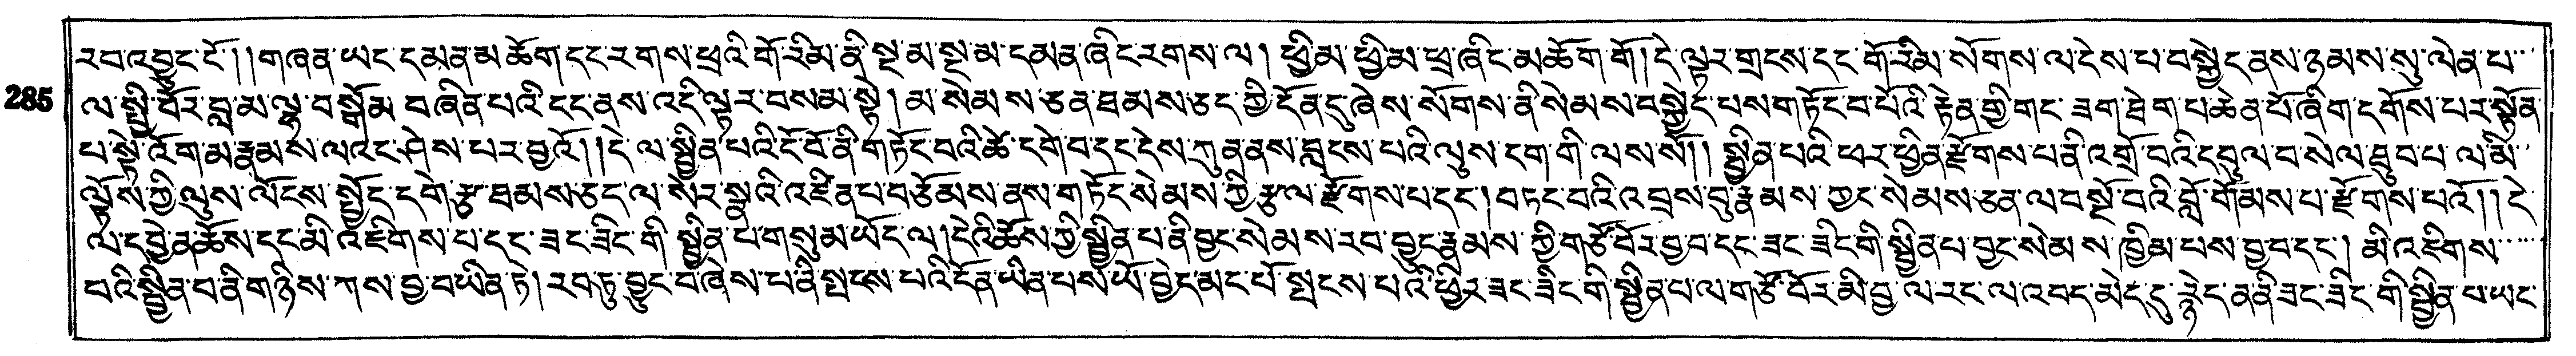རབ་འབྱུང་ངོ། །གཞན་ཡང་དམན་མཆོག་དང་རགས་ཕྲའི་གོ་རིམ་ནི་སྔ་མ་སྔ་མ་དམན་ཞིང་རགས་ལ། ཕྱི་མ་ཕྱི་མ་ཕྲ་ཞིང་མཆོག་གོ །དེ་ལྟར་གྲངས་དང་གོ་རིམ་སོགས་ལ་ངེས་པ་བསྐྱེད་ནས་ཉམས་སུ་ལེན་པ་
ལ་སྤྱི་བོར་བླ་མ་ལྷ་བསྒོམ་བཞིན་པའི་ངང་ནས་འདི་ལྟར་བསམ་སྟེ། མ་སེམས་ཅན་ཐམས་ཅད་ཀྱི་དོན་དུ་ཞེས་སོགས་ནི་སེམས་བསྐྱེད་པས་གཏོང་བ་པོའི་རྟེན་གྱི་གང་ཟག་ཐེག་པ་ཆེན་པོ་ཞིག་དགོས་པར་སྟོན་
པ་སྟེ་འོག་མ་རྣམས་ལའང་ཤེས་པར་བྱའོ། །དེ་ལ་སྦྱིན་པའི་ངོ་བོ་ནི་གཏོང་བའི་ཚེ་དགེ་བ་དང་དེས་ཀུན་ནས་བླངས་པའི་ལུས་ངག་གི་ལས་སོ། །སྦྱིན་པའི་ཕར་ཕྱིན་རྫོགས་པ་ནི་འགྲོ་བའི་དབུལ་བ་སེལ་ཐུབ་པ་ལ་མི་
ལྟོས་ཀྱི་ལུས་ལོངས་སྤྱོད་དགེ་རྩ་ཐམས་ཅད་ལ་སེར་སྣའི་འཛིན་པ་བཅོམས་ནས་གཏོང་སེམས་ཀྱི་རྩལ་རྫོགས་པ་དང་། བཏང་བའི་འབྲས་བུ་རྣམས་ཀྱང་སེམས་ཅན་ལ་བསྔོ་བའི་བློ་གོམས་པ་རྫོགས་པའོ། །དེ་
ལ་དབྱེ་ན་ཆོས་དང་མི་འཇིགས་པ་དང་ཟང་ཟིང་གི་སྦྱིན་པ་གསུམ་ཡོད་ལ། དེའི་ཆོས་ཀྱི་སྦྱིན་པ་ནི་བྱང་སེམས་རབ་བྱུང་རྣམས་ཀྱི་གཙོ་བོར་བྱ་བ་དང་ཟང་ཟིང་གི་སྦྱིན་པ་བྱང་སེམས་ཁྱིམ་པས་བྱ་བ་དང་། མི་འཇིགས་
པའི་སྦྱིན་པ་ནི་གཉིས་ཀས་བྱ་བ་ཡིན་ཏེ། རབ་ཏུ་བྱུང་བ་ཞེས་པ་ནི་སྤངས་པའི་དོན་ཡིན་པས་ཡོ་བྱེད་མང་པོ་སྤངས་པའི་ཕྱིར་ཟང་ཟིང་གི་སྦྱིན་པ་ལ་གཙོ་བོར་མི་བྱ་ལ་རང་ལ་འབད་མེད་དུ་རྙེད་ན་ནི་ཟང་ཟིང་གི་སྦྱིན་པ་ཡང་